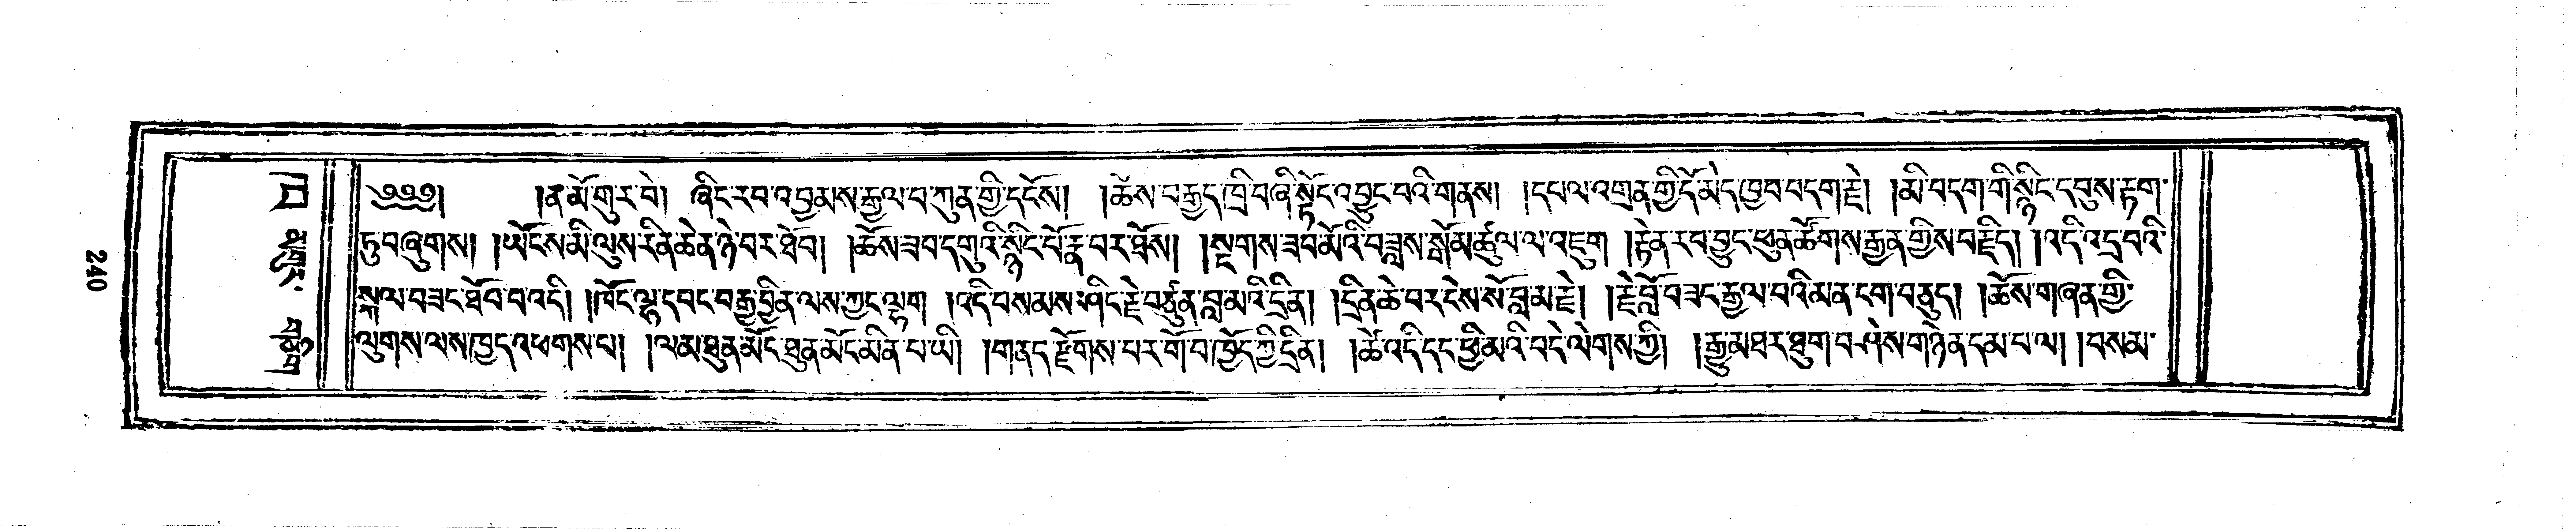༄༅༅། །ན་མོ་གུ་ར་བེ། ཞིང་རབ་འབྱམས་རྒྱལ་བ་ཀུན་གྱི་དངོས། །ཚེས་བརྒྱད་ཁྲི་བཞི་སྟོང་འབྱུང་བའི་གནས། །དཔལ་འགྲན་གྱི་དོ་མེད་ཁྱབ་བདག་རྗེ། །མི་བདག་གི་སྙིང་དབུས་རྟག་
ཏུ་བཞུགས། །ཡོངས་མི་ལུས་རིན་ཆེན་ཉེ་བར་ཐོབ། །ཆོས་ཟབ་དགུའི་སྙིང་པོ་རྣ་བར་ཐོས། །སྔགས་ཟབ་མོའི་བཟླས་སྒོམ་ཚུལ་ལ་འཇུག །རྟེན་རབ་བྱུང་ཕུན་ཚོགས་རྒྱན་གྱིས་བརྗིད། །འདི་འདྲ་བའི་
སྐལ་བཟང་ཐོབ་བ་འདི། །ཁོང་ལྷ་དབང་བརྒྱ་བྱིན་ལས་ཀྱང་ལྷག །འདི་བསམས་ཤིང་རྗེ་བཙུན་བླ་མའི་དྲིན། །དྲིན་ཆེ་བར་ངེས་སོ་བླ་མ་རྗེ། །རྗེ་བློ་བཟང་རྒྱལ་བའི་མན་ངག་བཅུད། །ཆོས་གཞན་གྱི་
ལུགས་ལས་ཁྱད་འཕགས་པ། །ལམ་ཐུན་མོང་ཐུན་མོང་མིན་པ་ཡི། །གནད་རྫོགས་པར་གོ་བ་ཁྱོད་ཀྱི་དྲིན། །ཚེ་འདི་དང་ཕྱི་མའི་བདེ་ལེགས་ཀྱི། །རྒྱུ་མཐར་ཐུག་བཤེས་གཉེན་དམ་པ་ལ། །བསམ་